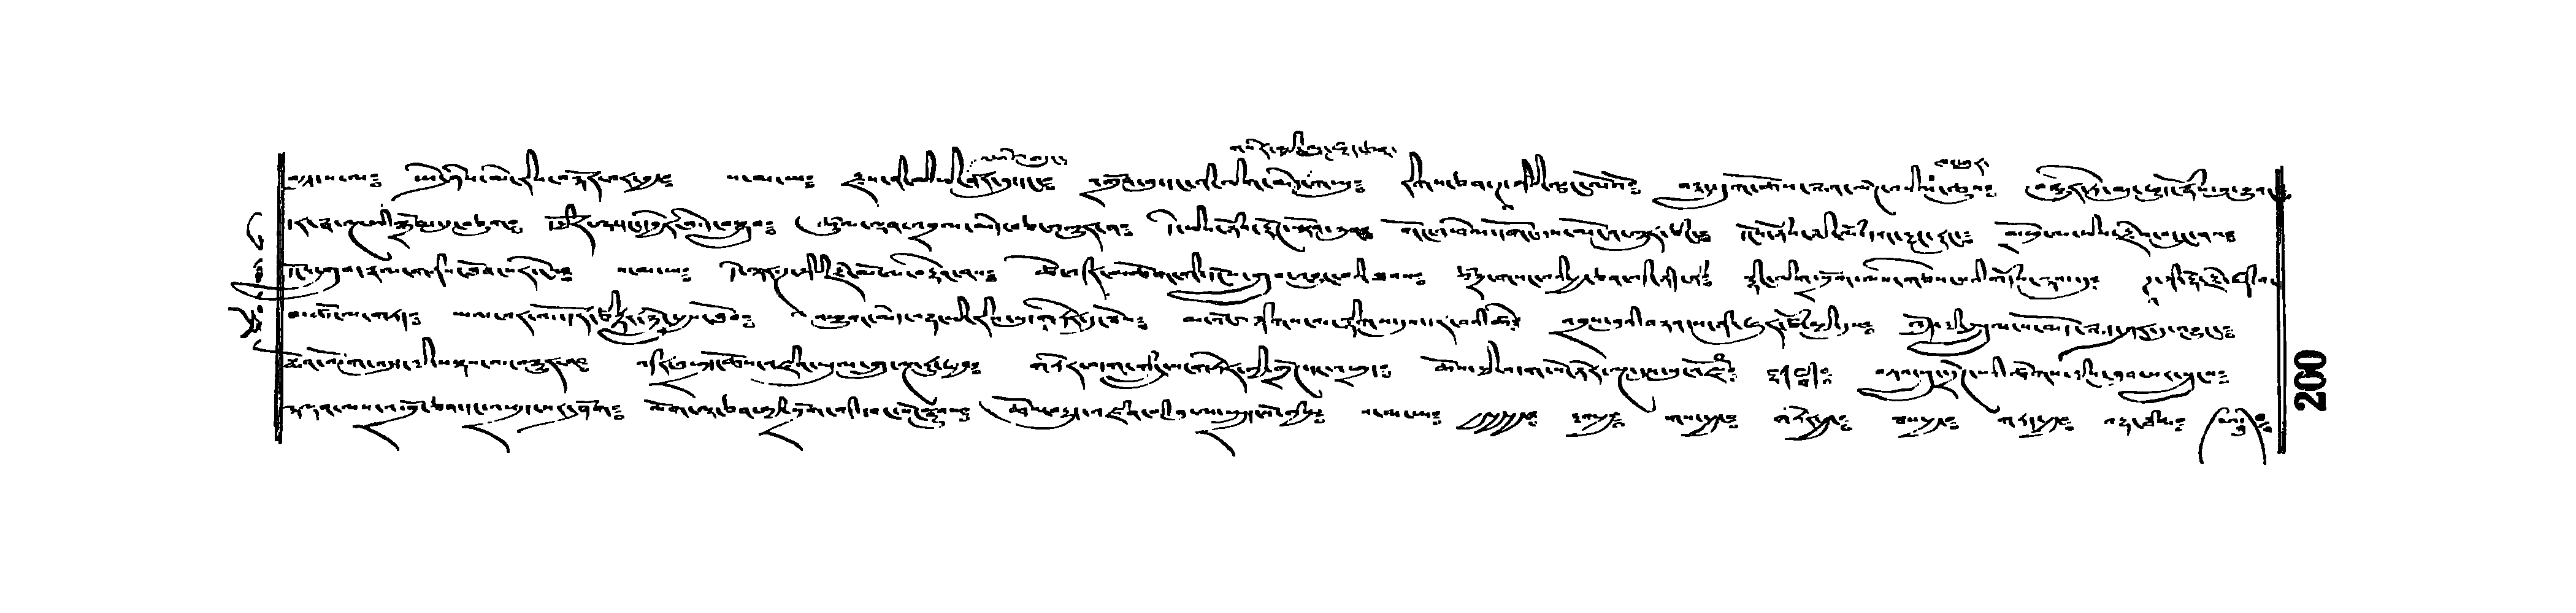བརྒྱད་པ་ལ༔ ཡེ་ཤེས་མེ་རིས་བསྐོར་བར་བྱ༔ ས་མ་ཡ༔ རྫས་ནི་མི་ཡི་ནོར་བུ་དང༔ འགྲོན་བུ་དང་ནི་ལིག་མེད་གཡུ༔ རིགས་ཅན་ཌཱ་ཀིའི་ལྕང་ལོའོ༔ བཟང་དྲུག་ཆོས་སྨན་ལེགས་བསིལ་ཆུས༔ བསྒྱུར་ཏེ་མུ་ཁྱུད་རྣམས་སུ་བྱུག༔ 
དར་སྣ་ལྔ་ཡི་སྒྲོམ་དུ་བཅུག༔ དཀྱིལ་འཁོར་ལྷ་དང་དབྱེར་མེད་བསྒྲུབ༔ ཚུལ་ལྡན་འབྲལ་མེད་བཅངས་གྱུར་ན༔ དེ་ཡིས་ཉམས་རྟོགས་ཡོན་ཏན་ཀུན༔ གོང་འཕེལ་དགོངས་པ་མངོན་གྱུར་ཅིང༔ དངོས་ཉམས་རྨི་ལམ་དག་ཀྱང་རུང༔ མཁའ་འགྲོ་མ་ཡིས་རྗེས་བཟུང་ནས༔ 
དངོས་གྲུབ་རྣམ་གཉིས་འཐོབ་པར་ངེས༔ ས་མ་ཡ༔ དེ་ལྟར་ཌཱ་ཀིའི་རྗེ་མོ་ལ་བརྟེན་ནས༔ ཚེ་འདིར་མཆོག་གི་དངོས་གྲུབ་འབྱུང་བའི་ཐབས༔ ཙཀྲ་གསང་བའི་རྒྱ་ཅན་འདི་ཉིད་ནི༔ སྙིང་མིག་སྲོག་ལས་གཅེས་པའི་གདམས་སྐལ་དུ༔ ཌཱ་ཀི་རྡོ་རྗེ་ཞི་བ་
མཚོ་ལ་གཏད༔ ཡལ་བར་མ་དོར་ཙིཏྟར་ཀློང་རྒྱས་ཐོབ༔ འཕྱུག་མེད་བརྡ་ཡི་རིས་སུ་གཏེར་དུ་སྦོས༔མ་འོངས་སྙིགས་མ་སྙིགས་དུས་དར་བའི་ཚེ༔ འབྲས་བུའི་བསྟན་པ་ཉི་ཁུར་ཙམ་གྱི་དུས༔ ཁྱོད་ཀྱི་སྤྲུལ་པ་མདོ་སྨད་ཤར་དུ་འབྱུང༔ 
སྨོན་ལོག་བདུད་ཀྱི་བསམ་གཏན་མ་བསྒྱུར༔ འདིར་འཕྲད་ཆོས་འཛིན་ཡུལ་གྲུ་ལྔ་རུ་ཁྱབ༔ གཏེར་བདག་གླིང་པ་གཏེར་གྱི་གྲོགས་དང་འཕྲད༔ ཆོས་ཀྱི་བདག་པོ་ཉེར་ལྔ་དུས་སུ་འཛོམས༔ བཀའ་སྲུང་དྲེགས་པའི་ཚོགས་ཀྱིས་ཐུབ་པར་སྲུངས༔ 
སྐལ་ལྡན་ལས་འཕྲོ་ཅན་དང་འཕྲད་པར་ཤོག༔ ལོག་ལྟ་ཅན་གྱི་སྲོག་གི་དབང་པོ་སྣུབས༔ ཆོས་བརྒྱུད་འཛིན་པའི་བུ་ལ་སྤྲས་སུ་གྱིས༔ ས་མ་ཡ༔ རྒྱ་རྒྱ་རྒྱ༔ ཟབ་རྒྱ༔ གསང་རྒྱ༔ གཏེར་རྒྱ༔ སྦས་རྒྱ༔ གཏད་རྒྱ༔ བརྡ་ཐིམ༔ ༔